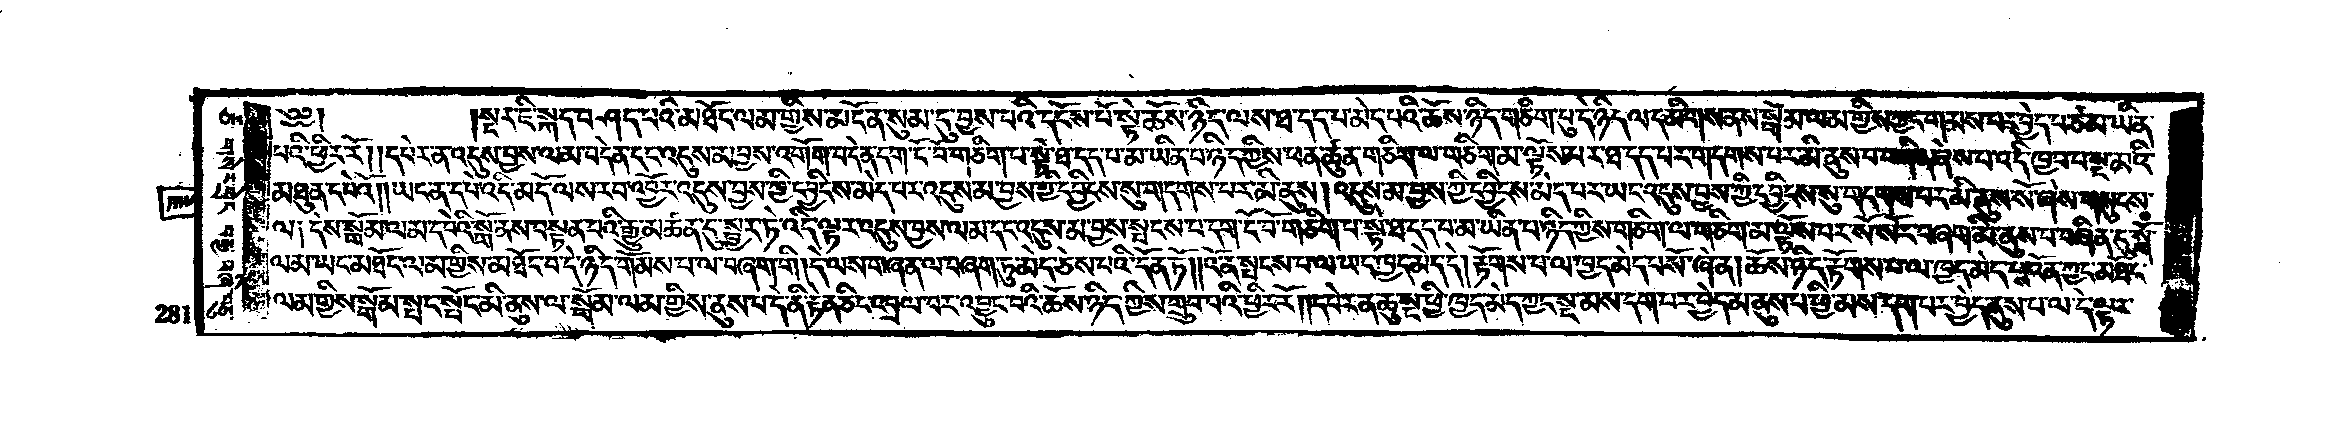༄༅། །སྔར་ཇི་སྐད་བཤད་པའི་མཐོང་ལམ་གྱིས་མངོན་སུམ་དུ་བྱས་པའི་དངོས་པོ་སྟེ་ཆོས་ཉིད་ལས་ཐ་དད་པ་མེད་པའི་ཆོས་ཉིད་གཅིག་པུ་དེ་ཉིད་ལ་དམིགས་ནས་སྒོམ་ལམ་གྱིས་ཀྱང་གམས་པར་བྱེད་པ་ཙམ་ཡིན་
པའི་ཕྱིར་རོ། །དཔེར་ན་འདུས་བྱས་ལམ་བདེན་དང་འདུས་མ་བྱས་འགོག་བདེན་དག་ངོ་བོ་གཅིག་པ་སྟེ་ཐ་དད་པ་མ་ཡིན་པ་ཉིད་ཀྱིས་ཕན་ཚུན་གཅིག་ལ་གཅིག་མ་ལྟོས་པར་ཐ་དད་པར་གདགས་པར་མི་ནུས་པ་བཞིན་ཞེས་པ་འདི་ཁྱབ་པ་སྔ་མའི་
མཐུན་དཔེའོ། །ཡང་ན་དཔེ་འདི་མདོ་ལས་རབ་འབྱོར་འདུས་བྱས་ཀྱི་དབྱིངས་མེད་པར་འདུས་མ་བྱས་ཀྱི་དབྱིངས་སུ་གདགས་པར་མི་ནུས། འདུས་མ་བྱས་ཀྱི་དབྱིངས་མེད་པར་ཡང་འདུས་བྱས་ཀྱི་དབྱིངས་སུ་གདགས་པར་མི་ནུས་སོ་ཞེས་གསུངས་
ལ། དེས་སྒོམ་ལམ་དཔེའི་སྒོ་ནས་བསྟན་པའི་རྒྱུ་མཚན་དུ་སྦྱར་ཏེ་འདི་ལྟར་འདུས་བྱས་ལམ་དང་འདུས་མ་བྱས་སྤངས་པ་དག་ངོ་བོ་གཅིག་པ་སྟེ་ཐ་དད་པ་མ་ཡིན་པ་ཉིད་ཀྱིས་གཅིག་ལ་གཅིག་མ་ལྟོས་པར་སོ་སོར་བཞག་མི་ནུས་པ་བཞིན་དུ་སྒོཾ་
ལམ་ཡང་མཐོང་ལམ་གྱིས་མཐོང་བ་དེ་ཉིད་གོམས་པ་ལ་བཞག་གི །དེ་ལས་གཞན་ལ་བཞག་ཏུ་མེད་ཅེས་པའི་དོན་ཏོ། །འོ་ན་སྤངས་པ་ལ་ཡང་ཁྱད་མེད་དེ། རྟོགས་པ་ལ་ཁྱད་མེད་པས་སོ་ཞེ་ན། ཆོས་ཉིད་རྟོགས་པ་ལ་ཁྱད་མེད་པས་འོན་ཀྱང་མཐོང་
ལམ་གྱིས་སྒོམ་སྤང་སྤོང་མི་ནུས་ལ་སྒོམ་ལམ་གྱིས་ནུས་པ་དེ་ནི་རྟེན་ཅིང་འབྲལ་བར་འབྱུང་བའི་ཆོས་ཉིད་ཀྱིས་གྲུབ་པའི་ཕྱིར་རོ། །དཔེར་ན་ཆུ་སྔ་ཕྱི་ཁྱད་མེད་ཀྱང་སྔ་མས་དག་པར་བྱེད་མ་ནུས་པ་ཕྱི་མས་དག་པར་བྱེད་ནུས་པ་ལ་དེ་ལྟར་